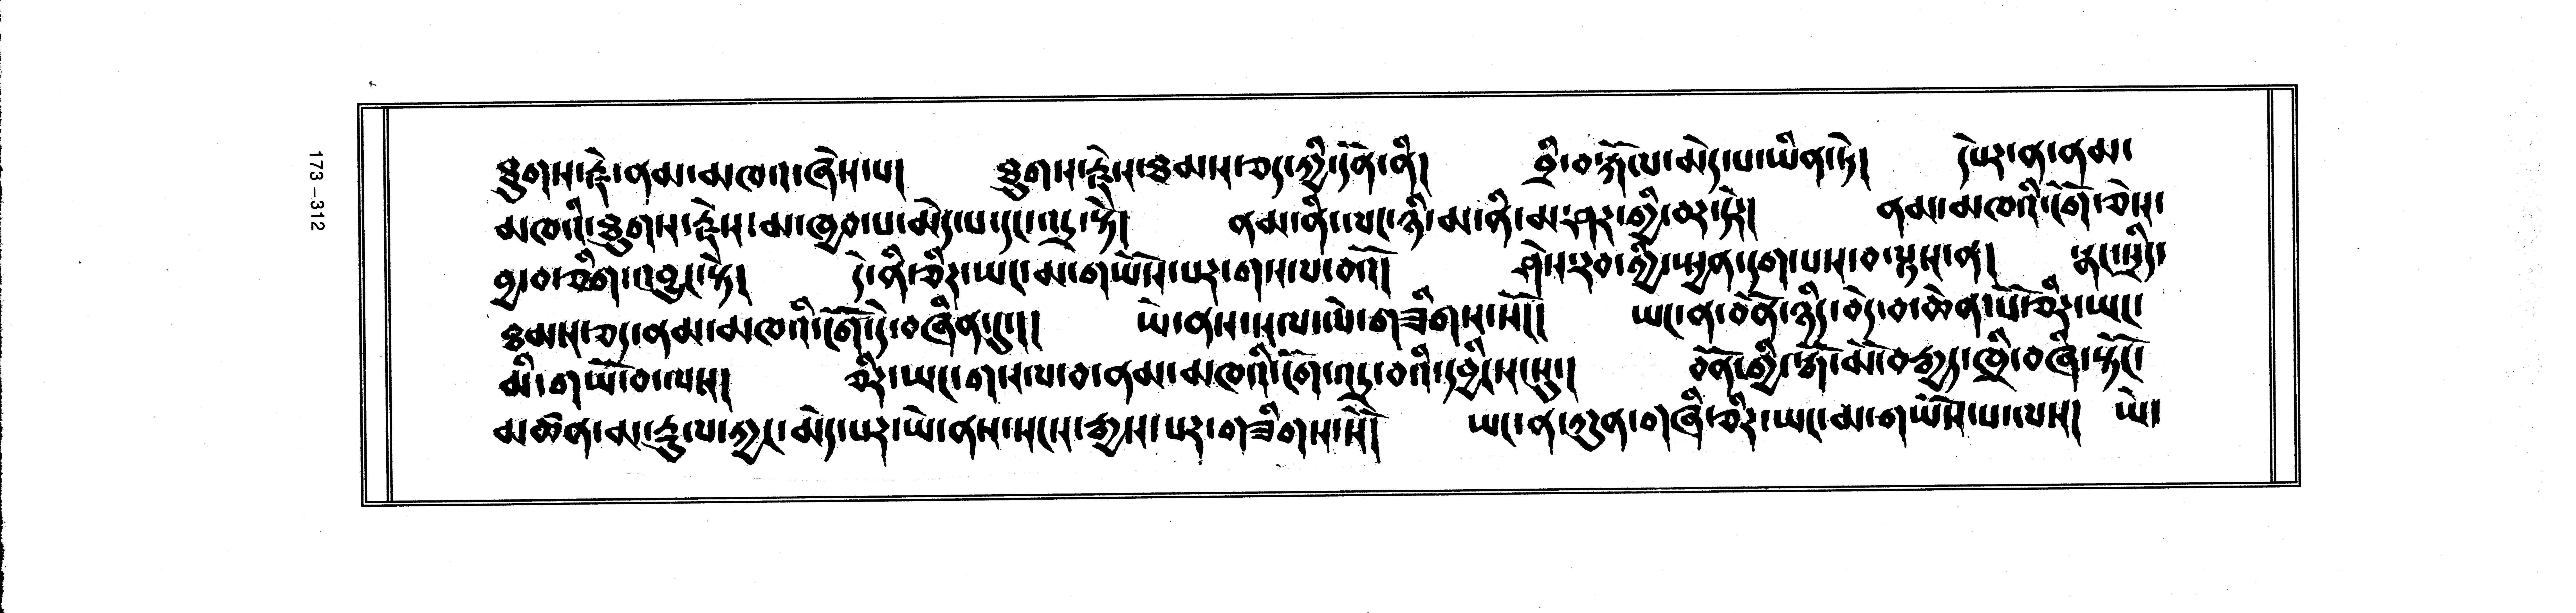ཐུགས་རྗེ་ནམ་མཁའ་ཞེས་པ། ཐུགས་རྗེས་ཐམས་ཅད་ཀྱི་དོན་ནི། བྲི་བསྐོལ་མེད་པ་ཡིན་ཏེ། དཔེར་ན་ནམ་
མཁའི་ཐུགས་རྗེ་མ་ཁྱབ་པ་མེད་པ་དང་འདྲ་སྟེ། ནམ་ནི་ལང་ཉི་མ་ནི་མ་ཤར་བར་དེར། ནམ་མཁའི་ངོགས་ཅེས་
བྱ་བ་ཞིག་འབྱུང་སྟེ། དེ་ནི་ཅིར་ཡང་མ་བཅོས་གསལ་བའོ། །ཤེས་རབ་ཀྱི་སྤྱན་དག་པས་བལྟས་ན། སྣང་སྲིད་
ཐམས་ཅད་ནམ་མཁའི་ངོགས་དེ་བཞིན་དུ། ཡེ་ནས་སལེ་གཟིགས་སོ། །ཡང་ན་བོན་ཉིད་བདེ་བ་ཆེན་པོ་ཅིར་ཡང་
མི་གཡོ་བ་ལས། ཅིར་ཡང་གསལ་བ་ནམ་མཁའི་ངོགས་འདྲ་བའི་དབྱིངས་སུ། བོན་གྱི་སྒོ་མོ་བརྒྱད་ཁྲི་བཞི་སྟོང་
མཚན་མ་རྡུལ་ཀྱང་མེད་པར་ཡེ་ནས་སངས་རྒྱས་པར་གཟིགས་སོ། །ཡང་ན་ཀུན་གཞི་ཅིར་ཡང་མ་གཡོས་པ་ལས། ཡེ་